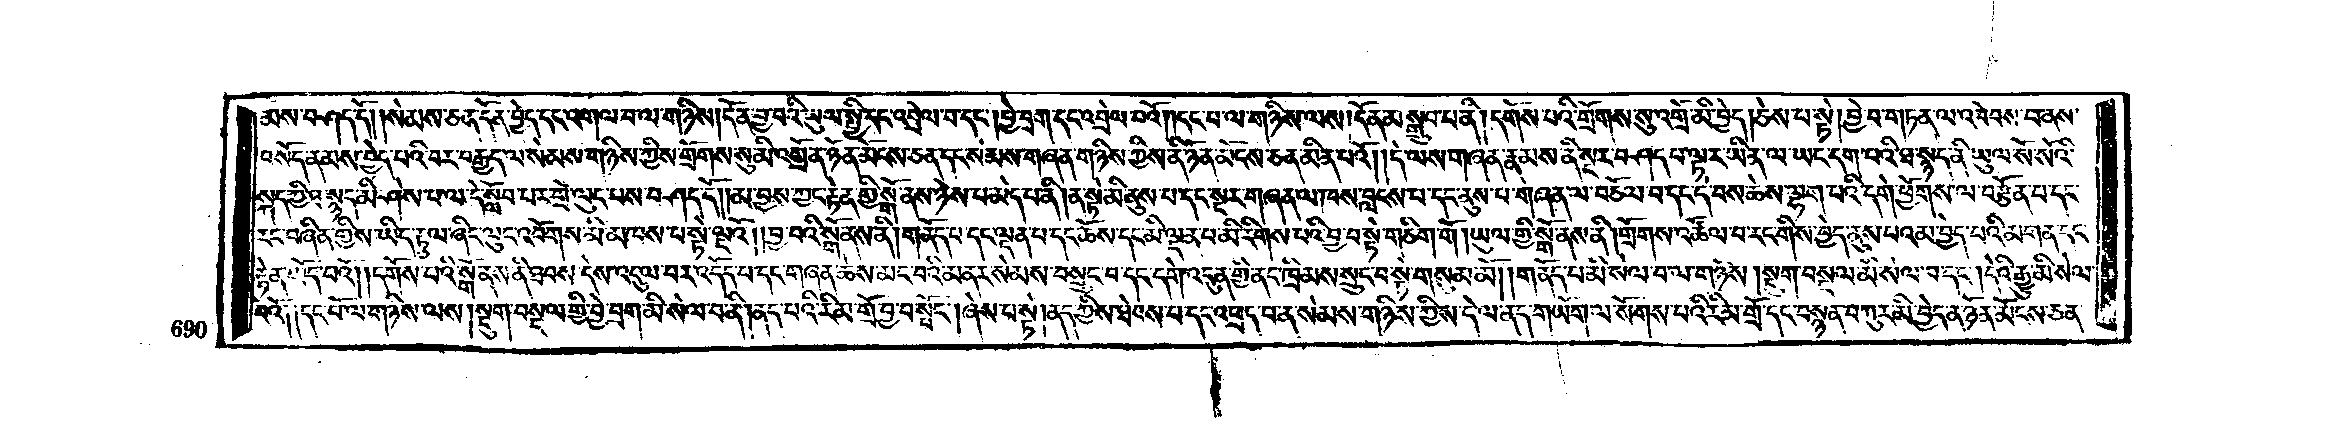མས་བཤད་དོ། །སེམས་ཅན་དོན་བྱེད་དང་འགལ་བ་ལ་གཉིས། དོན་བྱ་བའི་ཡུལ་སྤྱི་དང་འབྲེལ་བ་དང་། བྱེ་བྲག་དང་འབྲེལ་པའོ། །དང་པ་ལ་གཉིས་ལས། དོན་མ་སྒྲུབ་པ་ནི། དགོས་པའི་གྲོགས་སུ་འགྲོ་མི་བྱེད། ཅེས་པ་སྟེ། བྱེ་བ་གཏན་ལ་འབེབས་པ་ནས་
བསོད་ནམས་བྱེད་པའི་བར་བརྒྱད་ལ་སེམས་གཉིས་ཀྱིས་གྲོགས་སུ་མི་འགྲོ་ན་ཉོན་མོངས་ཅན་དང་སེམས་གཞན་གཉིས་ཀྱིས་ནི་ཉོན་མོངས་ཅན་མིན་པའོ། །དེ་ལས་གཞན་རྣམས་ནི་སྔར་བཤད་པ་ལྟར་ཡིན་ལ་ཡང་དག་པའི་ཐ་སྙད་ནི་ཡུལ་སོ་སོའི་
སྐད་ཀྱི་ཐ་སྙད་མི་ཤེས་པ་ལ་དེ་སློབ་པར་གྲོ་ལུང་པས་བཤད་དོ། །མ་བྱས་ཀྱང་རྟེན་གྱི་སྒོ་ནས་ཉེས་པ་མེད་པ་ནི། ན་སྟེ་མི་ནུས་པ་དང་སྔར་གཞན་ལ་ཁས་བླངས་པ་དང་ནུས་པ་གཞན་ལ་བཅོལ་བ་དང་དེ་བས་ཆེས་ལྷག་པའི་དགེ་ཕྱོགས་ལ་བརྩོན་པ་དང་
རང་བཞིན་གྱིས་ཡིད་རྟུལ་ཞིང་ལུང་འབོགས་མི་མཁས་པ་སྟེ་ལྔའོ། །བྱ་བའི་སྒོ་ནས་ནི། གནོད་པ་དང་ལྡན་པ་དང་ཆོས་དང་མི་ལྡན་པ་མི་རིགས་པའི་བྱ་བ་སྟེ་གཅིག་གོ །ཡུལ་གྱི་སྒོ་ནས་ནི། གྲོགས་འཚོལ་བ་རང་གིས་བྱེད་ནུས་པའམ་བྱེད་པའི་མགན་དང་
རྟེན་ཡོད་པའོ། །དགོས་པའི་སྒོ་ནས་ནི་ཐབས་དེས་འདུལ་བར་འདོད་པ་དང་གཞན་ཆེས་མང་བའི་མནར་སེམས་བསྲུང་བ་དང་དགེ་འདུན་གྱི་ནང་ཁྲིམས་སྲུང་བ་སྟེ་གསུམ་མོ། །གནོད་པ་མི་སེལ་བ་ལ་གཉིས། སྡུག་བསྔལ་མི་སེལ་བ་དང་། དེའི་རྒྱུ་མི་སེལ་
བའོ༑ ༑དང་པོ་ལ་གཉིས་ལས། སྡུག་བསྔལ་གྱི་བྱེ་བྲག་མི་སེལ་བ་ནི། ནད་པའི་རིམ་གྲོ་བྱ་བ་སྤོང་། ཞེས་པ་སྟེ། ནད་ཀྱིས་ཐེབས་པ་དང་འཕྲད་པ་ན་སེམས་གཉིས་ཀྱིས་དེ་ལ་ནད་གཡོག་ལ་སོགས་པའི་རིམ་གྲོ་དང་བསྙན་བཀུར་མི་བྱེད་ན་ཉོན་མོངས་ཅན་